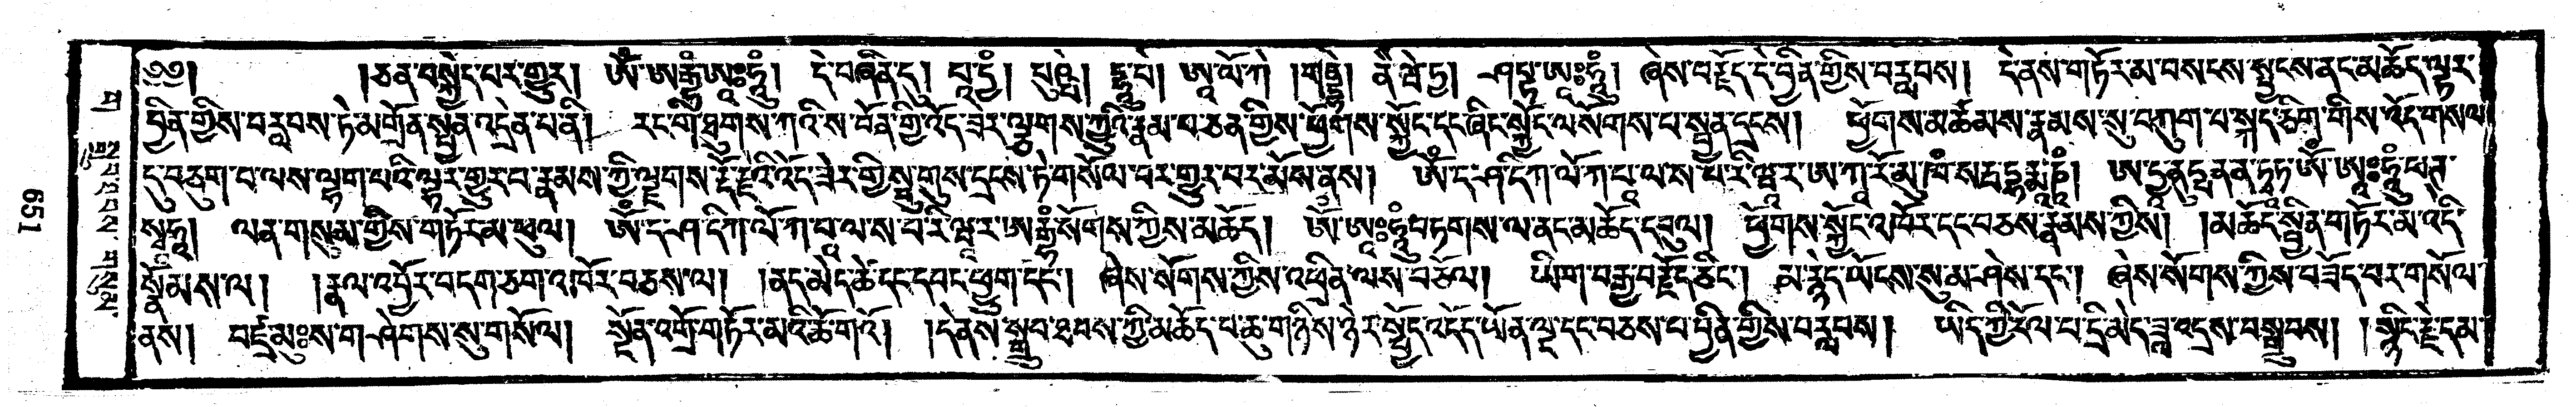༄༅། །ཅན་བསྐྱེད་པར་གྱུར། ཨོཾ་ཨརྒྷཾ་ཨཱཿཧཱུཾ། དེ་བཞིན་དུ། པཱ་དྱཾ། པུཥྤེ། དྷཱུ་པེ། ཨཱ་ལོ་ཀེ །གནྡྷེ། ནཻ་ཝེ་ཏྱ། ཤཔྟ་ཨཱཿཧཱུཾ། ཞེས་བརྗོད་དེ་བྱིན་གྱིས་བརླབས། དེ་ནས་གཏོར་མ་བསངས་སྤྱངས་ནང་མཆོད་ལྟར་
བྱིན་གྱིས་བརླབས་ཏེ་མགྲོན་སྤྱན་འདྲེན་པ་ནི། རང་གི་ཐུགས་ཀའི་ས་བོན་གྱི་འོད་ཟེར་ལྕགས་ཀྱུའི་རྣམ་བ་ཅན་གྱིས་ཕྱོགས་སྐྱོང་དང་ཞིང་སྐྱོང་ལ་སོགས་པ་སྤྱན་དྲངས། ཕྱོགས་མ་ཚམས་རྣམས་སུ་བཀུག་པ་སྐད་ཅིག་གིས་འོད་གསལ་
དུ་བཅུག་པ་ལས་ལྷག་པའི་ལྷར་གྱུར་བ་རྣམས་ཀྱི་ལྗགས་རྡོ་རྗེའི་འོད་ཟེར་གྱི་སྦུ་གུས་དྲངས་ཏེ་གསོལ་བར་གྱུར་བར་མོས་ནས། ཨོཾ་ད་ཤ་དིཀ་ལོ་ཀ་པཱ་ལ་ས་པ་རི་ཝཱ་ར་ཨ་ཀཱ་རོ་མུ་ཁཾ་སརྦ་དྷརྨཱ་ཎཱཾ། ཨ་དྱཱ་ནུཏྤ་ནན་ཏྭཱཏ་ཨོཾ་ཨཱཿཧཱུཾ་ཕཊ་
སྭཧཱ། ལན་གསུམ་གྱིས་གཏོར་མ་ཕུལ། ཨོཾ་ད་ཤ་དིཀ་ལོ་ཀ་པཱ་ལ་ས་བ་རི་ཝཱ་ར་ཨརྒྷཾ་སོགས་ཀྱིས་མཆོད། ཨོཾ་ཨཱཿཧཱུཾ་བཏགས་ལ་ནང་མཆོད་དབུལ། ཕྱོགས་སྐྱོང་འཁོར་དང་བཅས་རྣམས་ཀྱིས། །མཆོད་སྦྱིན་གཏོར་མ་འདི་
སྣོམས་ལ། །རྣལ་འབྱོར་བདག་ཅག་འཁོར་བཅས་ལ། །ནད་མེད་ཚེ་དང་དབང་ཕྱུག་དང་། ཞེས་སོགས་ཀྱིས་འཕྲིན་ལས་བཅོལ། ཡིག་བརྒྱ་བརྗོད་ཅིང་། མ་རྙེད་ཡོངས་སུ་མ་ཤེས་དང་། ཞེས་སོགས་ཀྱིས་བཟོད་པར་གསོལ་
ནས། བཛྲ་མུཿས་གཤེགས་སུ་གསོལ། སྔོན་འགྲོ་གཏོར་མའི་ཆོ་གའོ། །དེ་ནས་སྒྲུབ་ཐབས་ཀྱི་མཆོད་པ་ཆུ་གཉིས་ཉེར་སྤྱོད་འདོད་ཡོན་ལྔ་དང་བཅས་པ་བྱིན་གྱིས་བརླབས། ཡིད་ཀྱི་རོལ་པ་དྲི་མེད་ཟླ་འདྲས་བསྒྲུབས། །སྙིང་རྗེ་དམ་